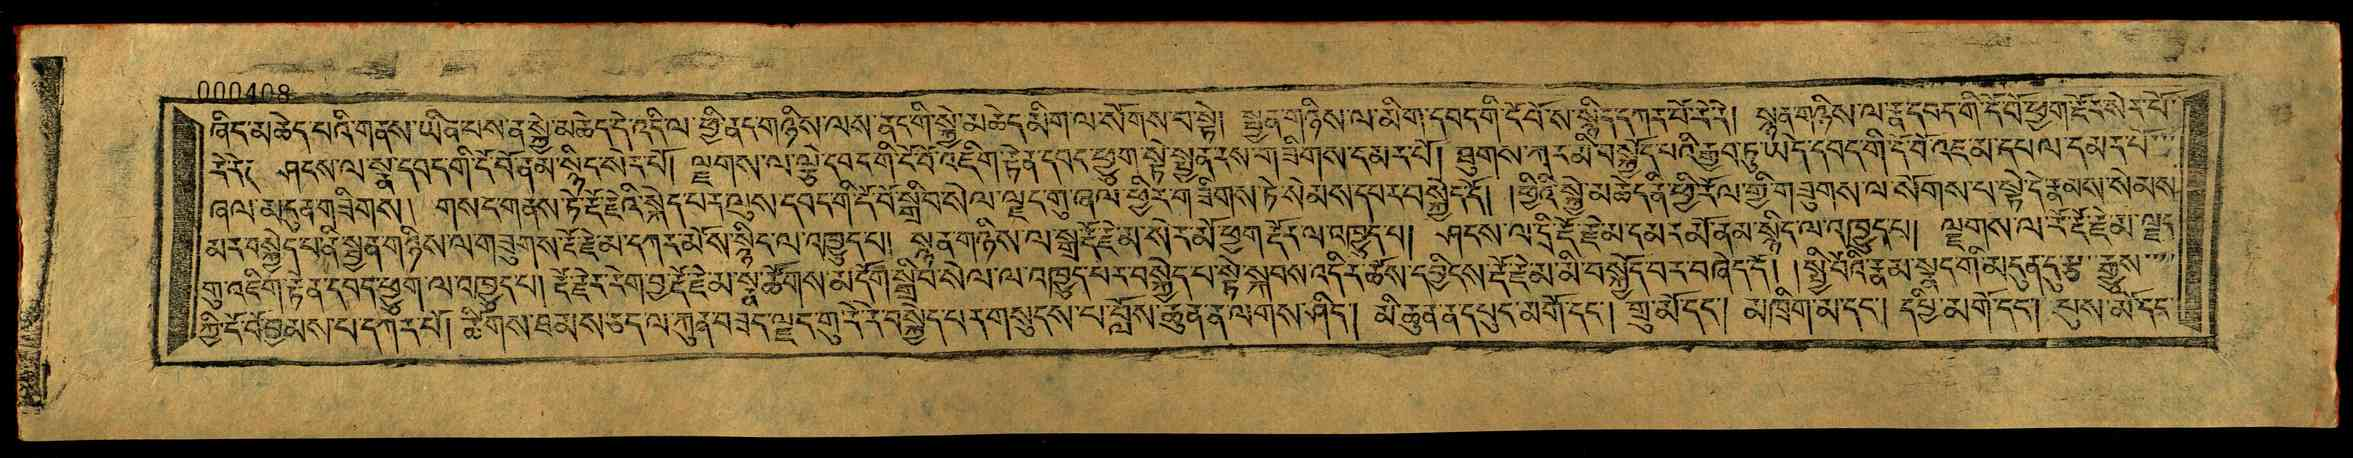ཞིང་མཆེད་པའི་གནས་ཡིན་པས་ན་སྐྱེ་མཆེད་དེ་འདི་ལ་ཕྱི་ནང་གཉིས་ལས་ནང་གི་སྐྱེ་མཆེད་མིག་ལ་སོགས་པ་སྟེ། སྤྱན་གཉིས་ལ་མིག་དབང་གི་ངོ་བོ་ས་སྙིང་དཀར་པོ་རེ་རེ། སྙན་གཉིས་ལ་རྣ་དབང་གི་ངོ་བོ་ཕྱག་རྡོར་སེར་པོ་
རེ་རེ༑ ༑ཤངས་ལ་སྣ་དབང་གི་ངོ་བོ་ནམ་སྙིང་སེར་པོ། ལྗགས་ལ་ལྕེ་དབང་གི་ངོ་བོ་འཇིག་རྟེན་དབང་ཕྱུག་སྟེ་སྤྱན་རས་གཟིགས་དམར་པོ། ཐུགས་ཀར་མི་བསྐྱོད་པའི་རྒྱབ་ཏུ་ཡིད་དབང་གི་ངོ་བོ་འཇམ་དཔལ་དམར་པོ་
ཞལ་མདུན་གཟིགས། གསང་གནས་ཏེ་རྡོ་རྗེའི་སྐེདཔར་ལུས་དབང་གི་ངོ་བོ་སྒྲིབ་སེལ་ལྗང་གུ་ཞལ་ཕྱིར་གཟིགས་ཏེ་སེམས་དཔར་བསྐྱེད་དོ། །ཕྱིའི་སྐྱེ་མཆོད་ནི་ཕྱི་རོལ་གྱི་གཟུགས་ལ་སོགས་པ་སྟེ་དེ་རྣམས་སེམས་
མར་བསྐྱེད་པ་ནི་སྤྱན་གཉིས་ལ་གཟུགས་རྡོ་རྗེ་མ་དཀར་མོ་ས་སྙིང་ལ་འཁྱུད་པ། སྙན་གཉིས་ལ་སྒྲ་རྡོ་རྗེ་མ་སེར་མོ་ཕྱག་རྡོར་ལ་འཁྱུད་པ། ཤངས་ལ་དྲི་རྡོ་རྗེ་མ་དམར་མོ་ནམ་སྙིང་ལ་འཁྱུད་པ། ལྗགས་ལ་རོ་རྡོ་རྗེ་མ་ལྗང་
གུ་འཇིག་རྟེན་དབང་ཕྱུག་ལ་འཁྱུད་པ། རྡོ་རྗེར་རེག་བྱ་རྡོ་རྗེ་མ་སྣ་ཚོགས་མདོག་སྒྲིབ་སེལ་ལ་འཁྱུད་པར་བསྐྱེད་པ་སྟེ་སྐབས་འདིར་ཆོས་དབྱིངས་རྡོ་རྗེ་མ་མི་བསྐྱོད་པར་བཞེད་དོ། །སྤྱི་བོའི་རྣམ་སྣང་གི་མདུན་དུ་རྩ་རྒྱུས་
ཀྱི་ངོ་བོ་བྱམས་པ་དཀར་པོ། ཚིགས་ཐམས་ཅད་ལ་ཀུན་བཟང་ལྗང་གུ་རེ་རེ་བསྐྱེད་པར་གསུངས་པ་བློས་ཆུན་ན་ལེགས་ཤིང་། མི་ཆུན ༣ན་དཔུང་མགོ་དང་། གྲུ་མོ་དང་། མཁྲིགྨ་དང་། དཔྱིམགོ་དང་། པུས་མོ་དང་